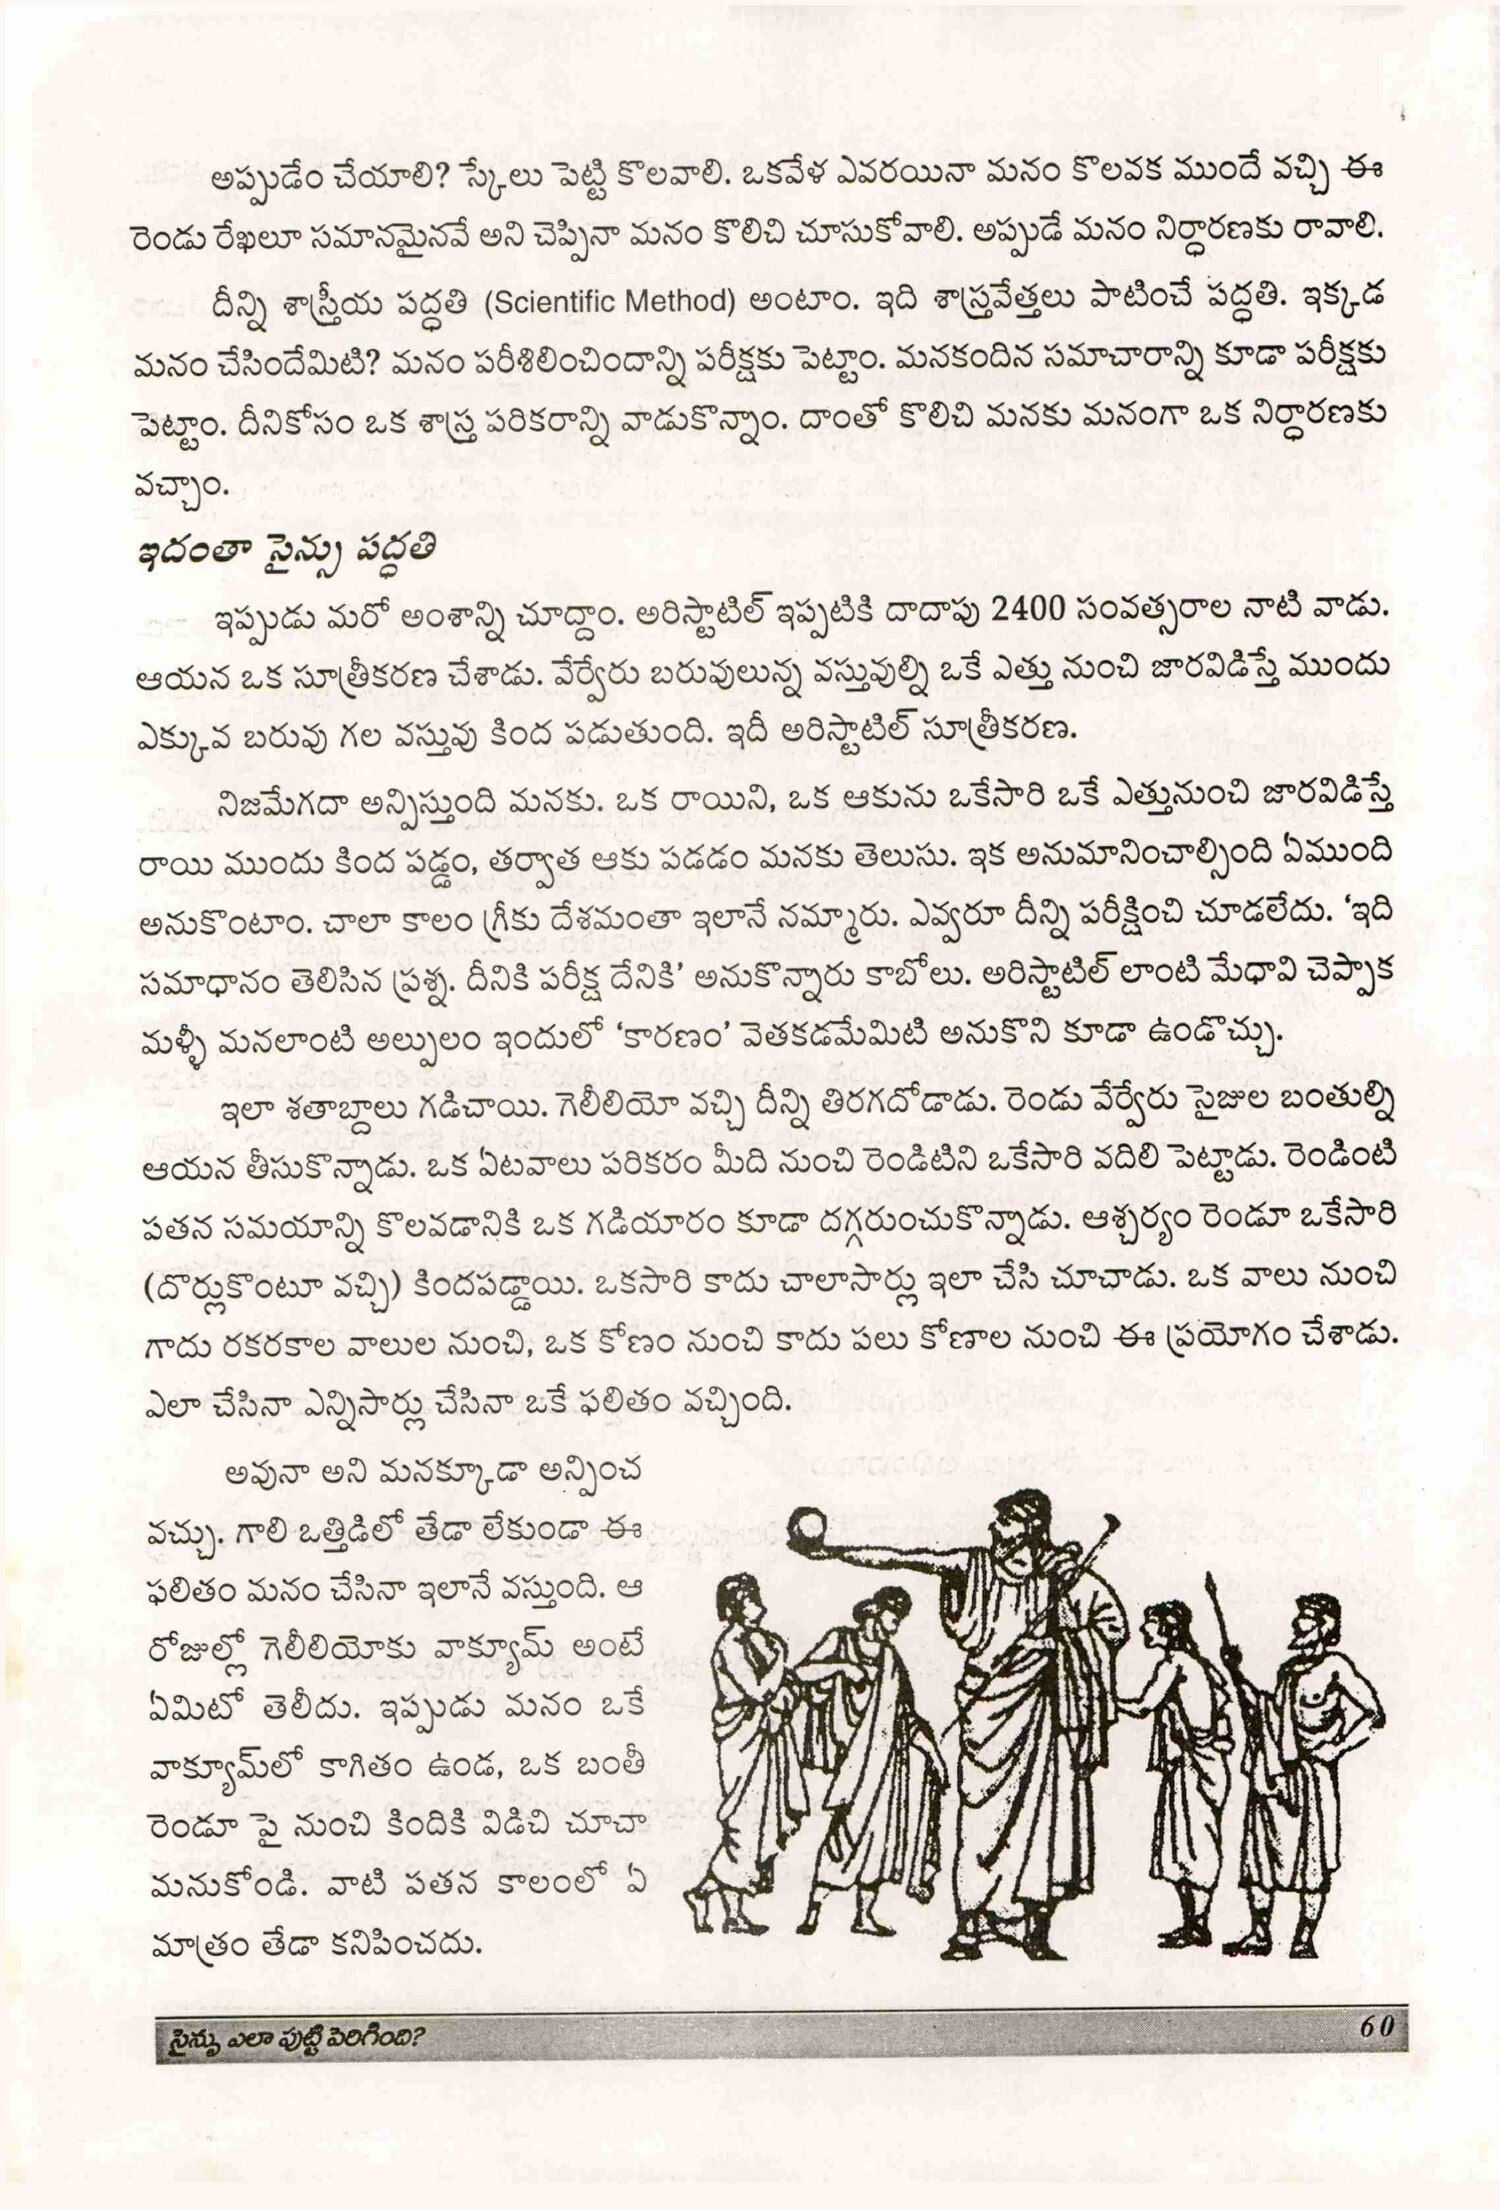అప్పుడేం చేయాలి? స్కేలు పెట్టి కొలవాలి. ఒకవేళ ఎవరయినా మనం కొలవక ముందే వచ్చి ఈ రెండు రేఖలూ సమానమైనవే అని చెప్పినా మనం కొలిచి చూసుకోవాలి. అప్పుడే మనం నిర్ధారణకు రావాలి.

దీన్ని శాస్త్రీయ పద్ధతి (Scientific Method) అంటాం. ఇది శాస్త్రవేత్తలు పాటించే పద్ధతి. ఇక్కడ మనం చేసిందేమిటి? మనం పరిశిలించిందాన్ని పరీక్షకు పెట్టాం. మనకందిన సమాచారాన్ని కూడా పరీక్షకు పెట్టాం. దీనికోసం ఒక శాస్త్ర పరికరాన్ని వాడుకొన్నాం. దాంతో కొలిచి మనకు మనంగా ఒక నిర్ధారణకు వచ్చాం.

ఇదంతా సైన్సు పద్ధతి

ఇప్పుడు మరో అంశాన్ని చూద్దాం. అరిస్టాటిల్ ఇప్పటికి దాదాపు 2400 సంవత్సరాల నాటి వాడు. ఆయన ఒక సూత్రీకరణ చేశాడు. వేర్వేరు బరువులున్న వస్తువుల్ని ఒకే ఎత్తు నుంచి జారవిడిస్తే ముందు ఎక్కువ బరువు గల వస్తువు కింద పడుతుంది. ఇదీ అరిస్టాటిల్ సూత్రీకరణ.

నిజమేగదా అన్పిస్తుంది మనకు. ఒక రాయిని, ఒక ఆకును ఒకేసారి ఒకే ఎత్తునుంచి జారవిడిస్తే రాయి ముందు కింద పడ్డం, తర్వాత ఆకు పడడం మనకు తెలుసు. ఇక అనుమానించాల్సింది ఏముంది అనుకొంటాం. చాలా కాలం గ్రీకు దేశమంతా ఇలానే నమ్మారు. ఎవ్వరూ దీన్ని పరీక్షించి చూడలేదు. 'ఇది సమాధానం తెలిసిన ప్రశ్న. దీనికి పరీక్ష దేనికి' అనుకొన్నారు కాబోలు. అరిస్టాటిల్ లాంటి మేధావి చెప్పాక మళ్ళీ మనలాంటి అల్పులం ఇందులో 'కారణం' వెతకడమేమిటి అనుకొని కూడా ఉండొచ్చు.

ఇలా శతాబ్దాలు గడిచాయి. గెలీలియో వచ్చి దీన్ని తిరగదోడాడు. రెండు వేర్వేరు సైజుల బంతుల్ని ఆయన తీసుకొన్నాడు. ఒక ఏటవాలు పరికరం మీది నుంచి రెండిటిని ఒకేసారి వదిలి పెట్టాడు. రెండింటి పతన సమయాన్ని కొలవడానికి ఒక గడియారం కూడా దగ్గరుంచుకొన్నాడు. ఆశ్చర్యం రెండూ ఒకేసారి (దొర్లుకొంటూ వచ్చి) కిందపడ్డాయి. ఒకసారి కాదు చాలాసార్లు ఇలా చేసి చూచాడు. ఒక వాలు నుంచి గాదు రకరకాల వాలుల నుంచి, ఒక కోణం నుంచి కాదు పలు కోణాల నుంచి ఈ ప్రయోగం చేశాడు. ఎలా చేసినా ఎన్నిసార్లు చేసినా ఒకే ఫలితం వచ్చింది.

అవునా అని మనక్కూడా అన్పించవచ్చు. గాలి ఒత్తిడిలో తేడా లేకుండా ఈ ఫలితం మనం చేసినా ఇలానే వస్తుంది. ఆ రోజుల్లో గెలీలియోకు వాక్యూమ్ అంటే ఏమిటో తెలీదు. ఇప్పుడు మనం ఒకే వాక్యూమ్‌లో కాగితం ఉండ, ఒక బంతీ రెండూ పై నుంచి కిందికి విడిచి చూచామనుకోండి. వాటి పతన కాలంలో ఏ మాత్రం తేడా కనిపించదు.